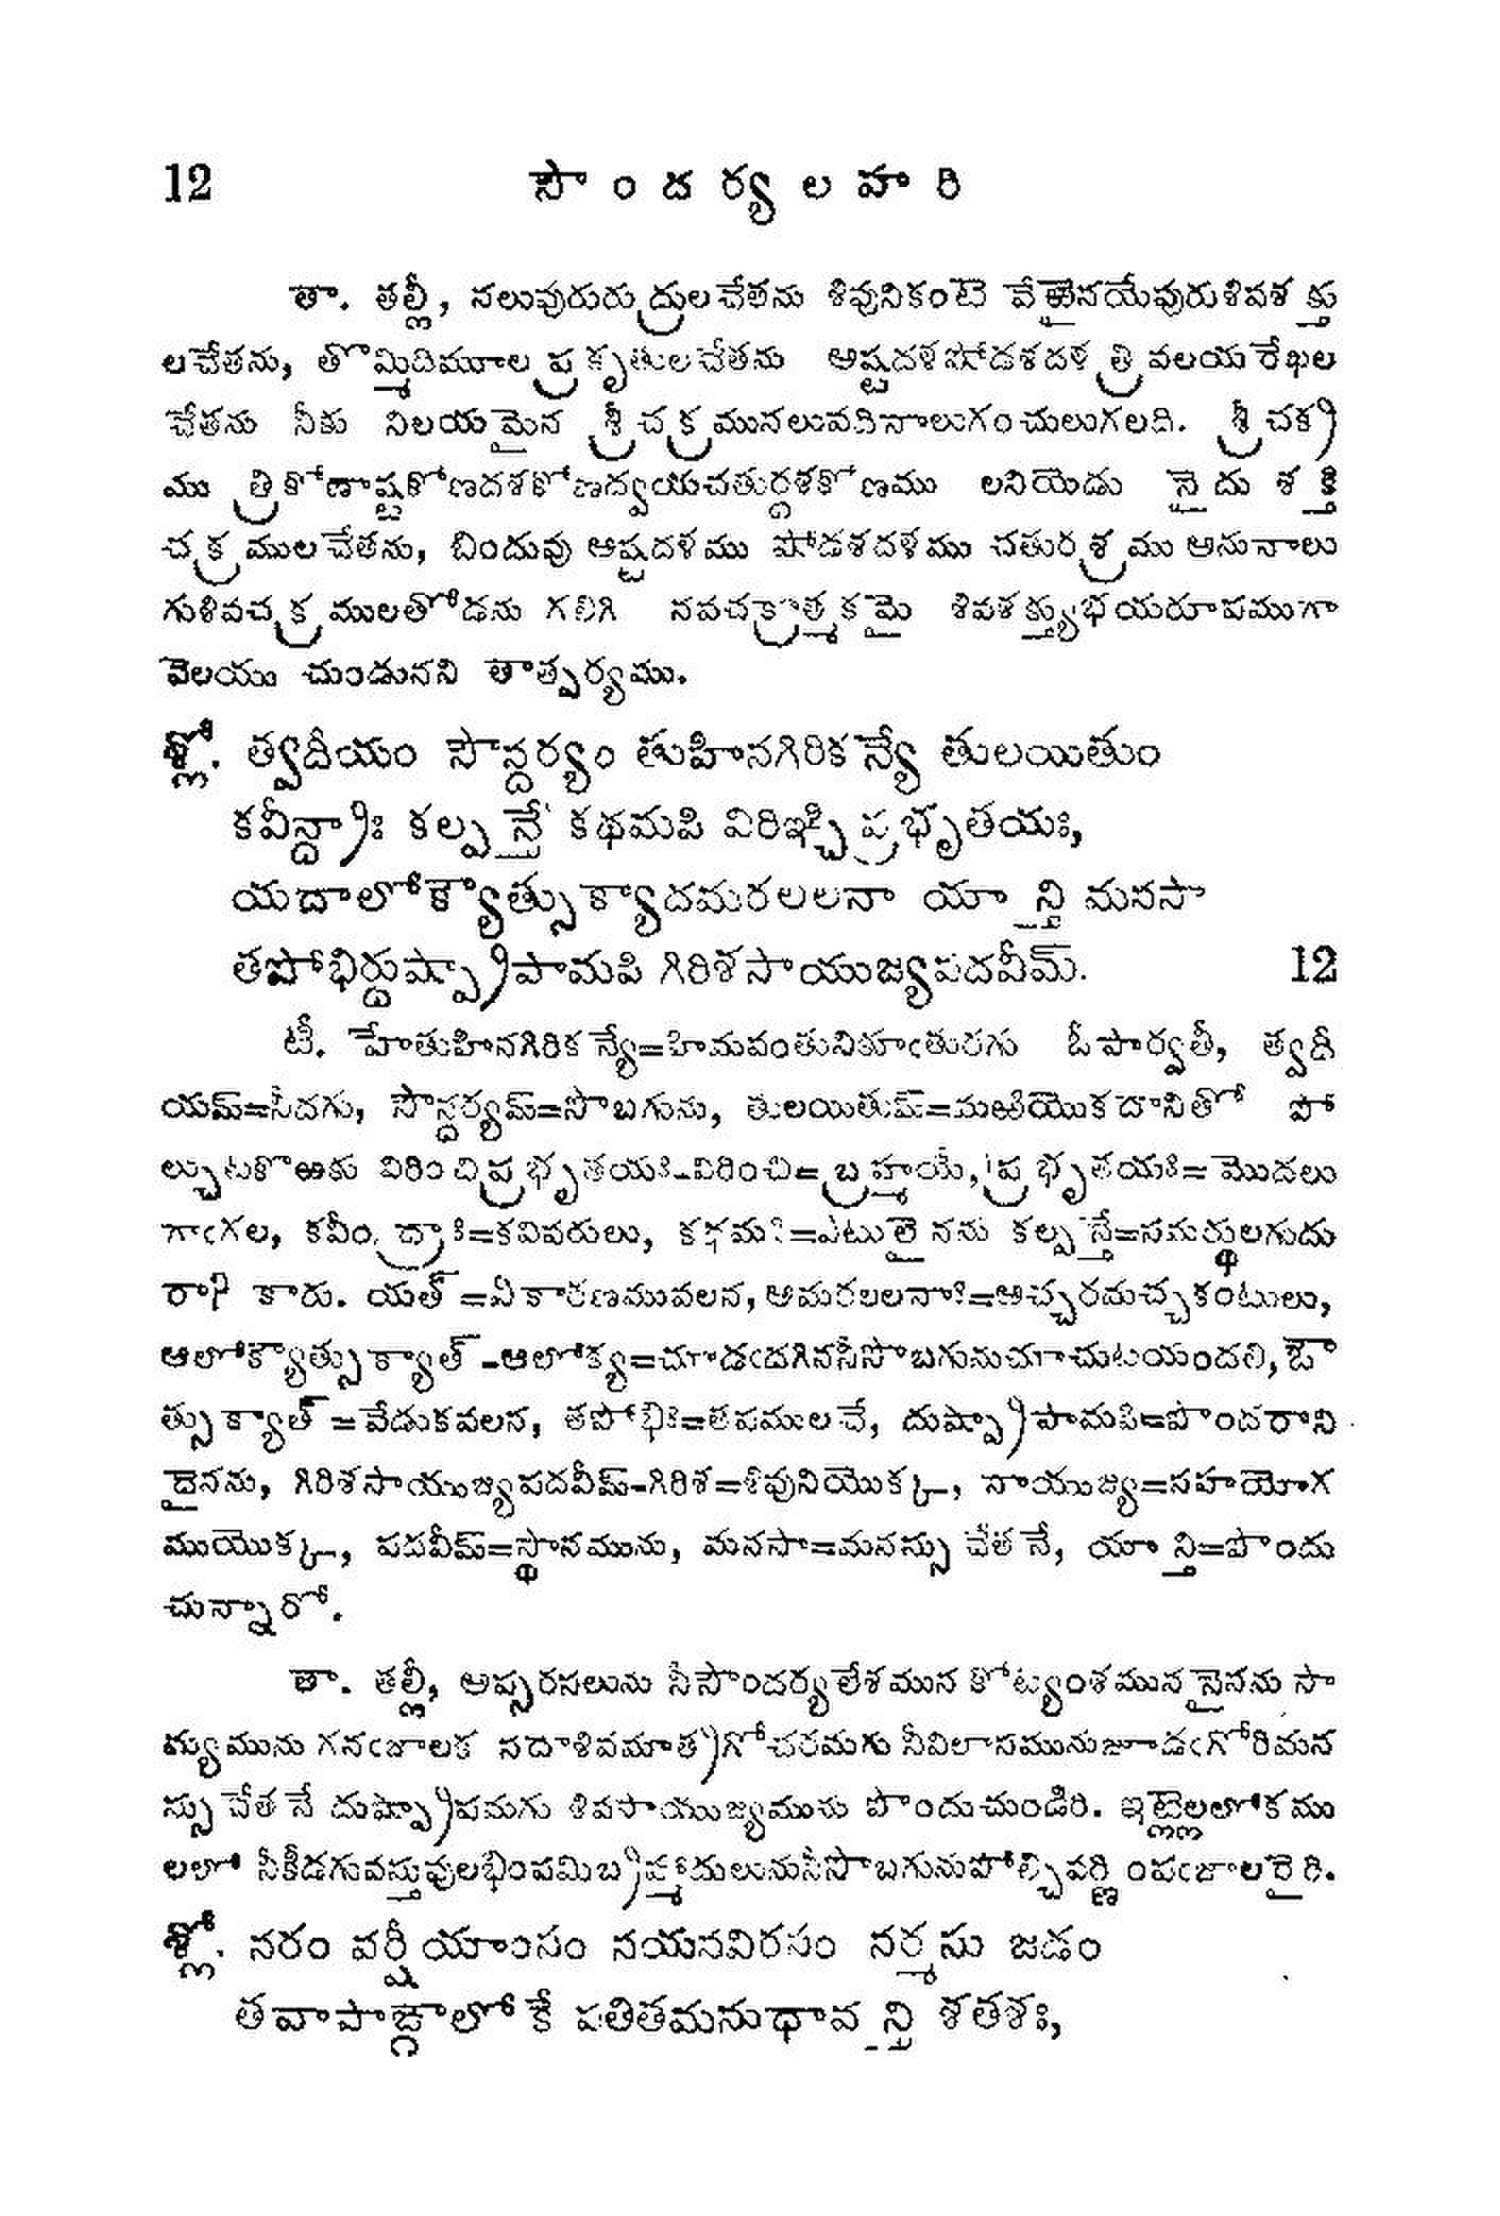తా. తల్లీ, నలువురురుద్రులచేతను శివునికంటె వేఱైనయేవురుశివశక్తులచేతను, తొమ్మిదిమూలప్రకృతులచేతను అష్టదళషోడశదళత్రివలయరేఖలచేతను నీకు నిలయమైన శ్రీచక్రము నలువదినాలుగంచులుగలది. శ్రీచక్రము త్రికోణాష్టకోణద్వయచతుర్దశకోణము లనియెడు నైదు శక్తి చక్రములచేతను, బిందువు అష్టదళము షోడశదళము చతురశ్రము అనునాలుగుశివచక్రములతోడను గలిగి నవచక్రాత్మకమై శివశక్త్యుభయరూపముగా వెలయుచుండునని తాత్పర్యము.

శ్లో. త్వదీయం సౌన్దర్యం తుహినగిరికన్యే తులయితుం
 కవీన్ద్రాః కల్పన్తే కథమపి విరిఞ్చిప్రభృతయః,
 యదాలోక్యౌత్సుక్యాదమరలలనా యాన్తి మనసా
 తపోభిర్దుష్ప్రాపామపి గిరిశసాయుజ్యపదవీమ్. 12
టీ. హేతుహినగిరికన్యే = హిమవంతునికూఁతురగు ఓపార్వతీ, త్వదీయమ్ = నీదగు, సౌన్దర్యమ్ = సొబగును, తులయితుమ్ = మఱియొకదానితో పోల్చుటకొఱకు విరించిప్రభృతయః-విరించి = బ్రహ్మయే, ప్రభృతయః = మొదలుగాఁగల, కవీంద్రాః = కవివరులు, కధమపి = ఎటులైనను కల్పన్తే = సమర్థులగుదురా? కారు. యత్ = ఏకారణమువలన, అమరలలనాః = అచ్చరమచ్చకంటులు, ఆలోక్యౌత్సుక్యాత్-ఆలోక్య = చూడఁదగిననీసొబగునుచూచుటయందలి, ఔత్సుక్యాత్ = వేడుకవలన, తపోభిః = తపములచే, దుష్ప్రాపామపి = పొందరానిదైనను, గిరిశసాయుజ్యపదవీమ్-గిరిశ = శివునియొక్క, సాయుజ్య = సహయోగముయొక్క, పదవీమ్ = స్థానమును, మనసా = మనస్సు చేతనే, యాన్తి = పొందుచున్నారో.

తా. తల్లీ, అప్సరసలును నీసౌందర్యలేశమున కోట్యంశముననైనను సామ్యమును గనఁజాలక సదాశివమాత్రగోచరమగు నీవిలాసమును జూడఁగోరి మనస్సుచేతనే దుష్ప్రాపమగు శివసాయుజ్యమును పొందుచుండిరి. ఇట్లెల్లలోకములలో నీకీడగువస్తువులభింపమి బ్రహ్మాదులును నీసొబగును పోల్చివర్ణింపఁజాలరైరి.

శ్లో. నరం వర్షీయాంసం నయనవిరసం నర్మసు జడం
 తవాపాఙ్గాలోకే పతితమనుధావన్తి శతశః,